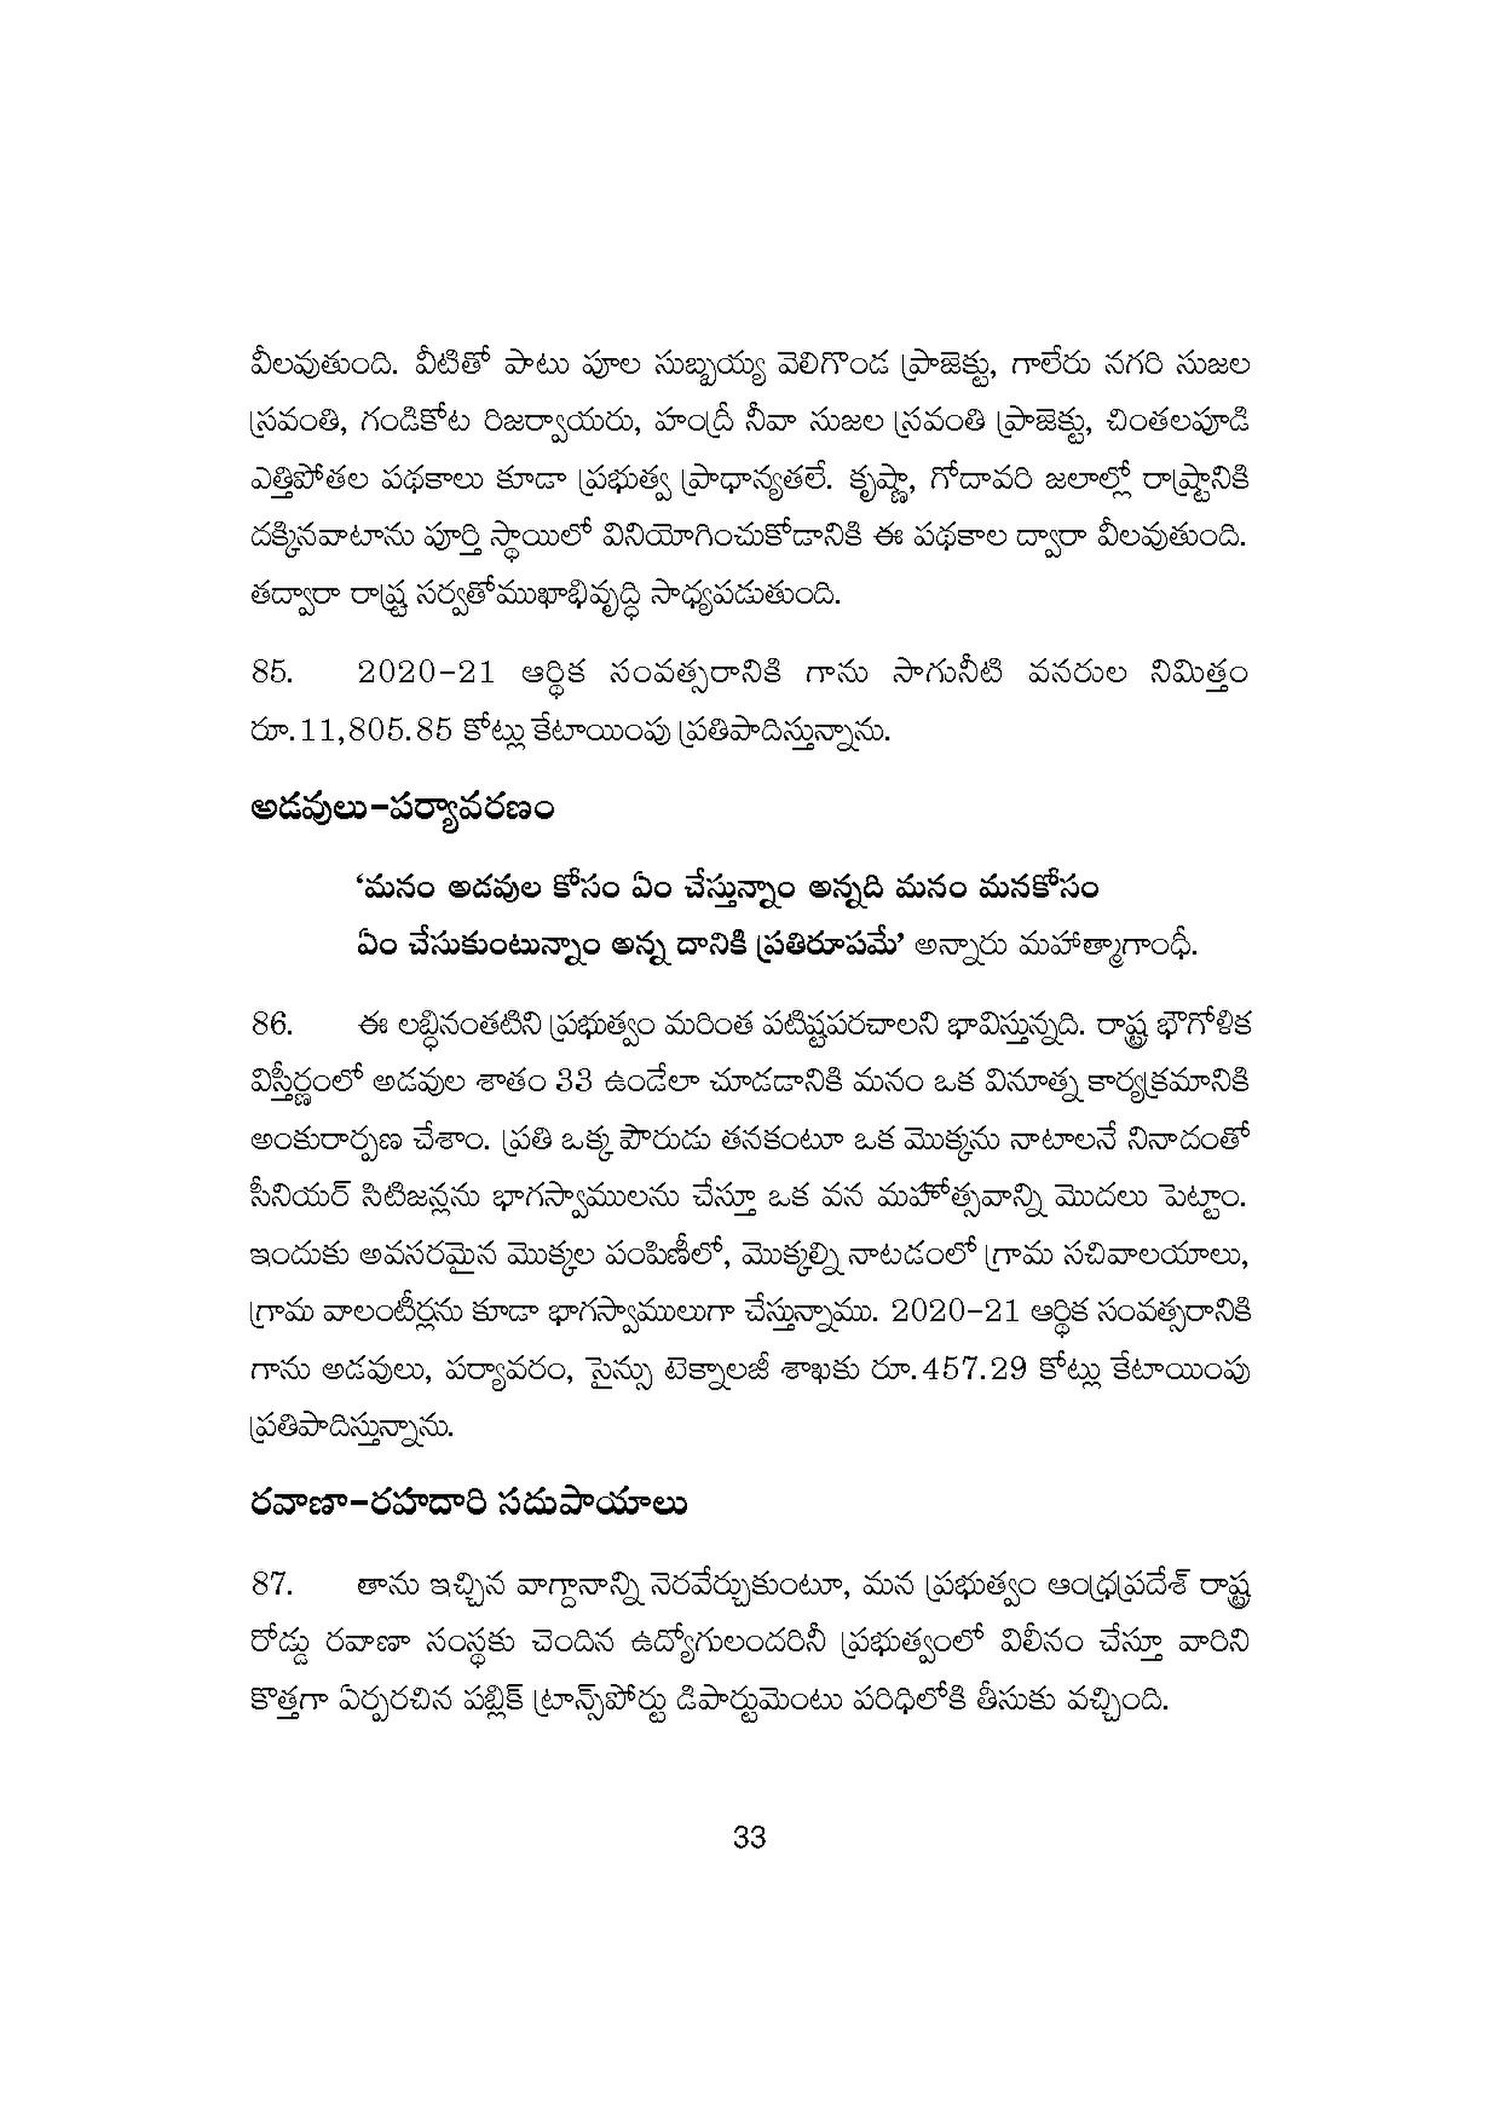వీలవుతుంది. వీటితో పాటు పూల సుబ్బయ్య వెలిగొండ ప్రాజెక్టు, గాలేరు నగరి సుజల
స్రవంతి, గండికోట రిజర్వాయరు, హంద్రీనీవా సుజల స్రవంతి ప్రాజెక్టు, చింతలపూడి ఎత్తిపోతల పథకాలు కూడా ప్రభుత్వ ప్రాధాన్యతలే. కృష్ణా, గోదావరి జలాల్లో రాష్ట్రానికి దక్కినవాటాను పూర్తి స్థాయిలో వినియోగించుకోడానికి ఈ పథకాల ద్వారా వీలవుతుంది. తద్వారా రాష్ట్ర సర్వతోముఖాభివృద్ధి సాధ్యపడుతుంది. 

85. 2020-21 ఆర్థిక సంవత్సరానికి గాను సాగునీటి వనరుల నిమిత్తం రూ.11,805.85 కోట్లు కేటాయింపు ప్రతిపాదిస్తున్నాను. 

అడవులు-పర్యావరణం 
'మనం అడవుల కోసం ఏం చేస్తున్నాం అన్నది మనం మనకోసం ఏం చేసుకుంటున్నాం అన్న దానికి ప్రతిరూపమే' అన్నారు మహాత్మాగాంధీ.  

86. ఈ లబ్ధినంతటిని ప్రభుత్వం మరింత పటిష్టపరచాలని భావిస్తున్నది. రాష్ట్ర భౌగోళిక విస్తీర్ణంలో అడవుల శాతం 33 ఉండేలా చూడడానికి మనం ఒక వినూత్న కార్యక్రమానికి అంకురార్పణ చేశాం. ప్రతి ఒక్క పౌరుడు తనకంటూ ఒక మొక్కను నాటాలనే నినాదంతో సీనియర్ సిటిజన్లను భాగస్వాములను చేస్తూ ఒక వన మహోత్సవాన్ని మొదలు పెట్టాం. ఇందుకు అవసరమైన మొక్కల పంపిణీలో, మొక్కల్ని నాటడంలో గ్రామ సచివాలయాలు,
గ్రామ వాలంటీర్లను కూడా భాగస్వాములుగా చేస్తున్నాము. 2020-21 ఆర్థిక సంవత్సరానికి గాను అడవులు, పర్యావరం, సైన్సు టెక్నాలజీ శాఖకు రూ.457.29 కోట్లు కేటాయింపు ప్రతిపాదిస్తున్నాను. 

రవాణా రహదారి సదుపాయాలు 

87. తాను ఇచ్చిన వాగ్దానాన్ని నెరవేర్చుకుంటూ, మన ప్రభుత్వం ఆంధ్రప్రదేశ్ రాష్ట్ర రోడ్డు రవాణా సంస్థకు చెందిన ఉద్యోగులందరినీ ప్రభుత్వంలో విలీనం చేస్తూ వారిని కొత్తగా ఏర్పరచిన పబ్లిక్ ట్రాన్స్పోర్టు డిపార్టుమెంటు పరిధిలోకి తీసుకు వచ్చింది.